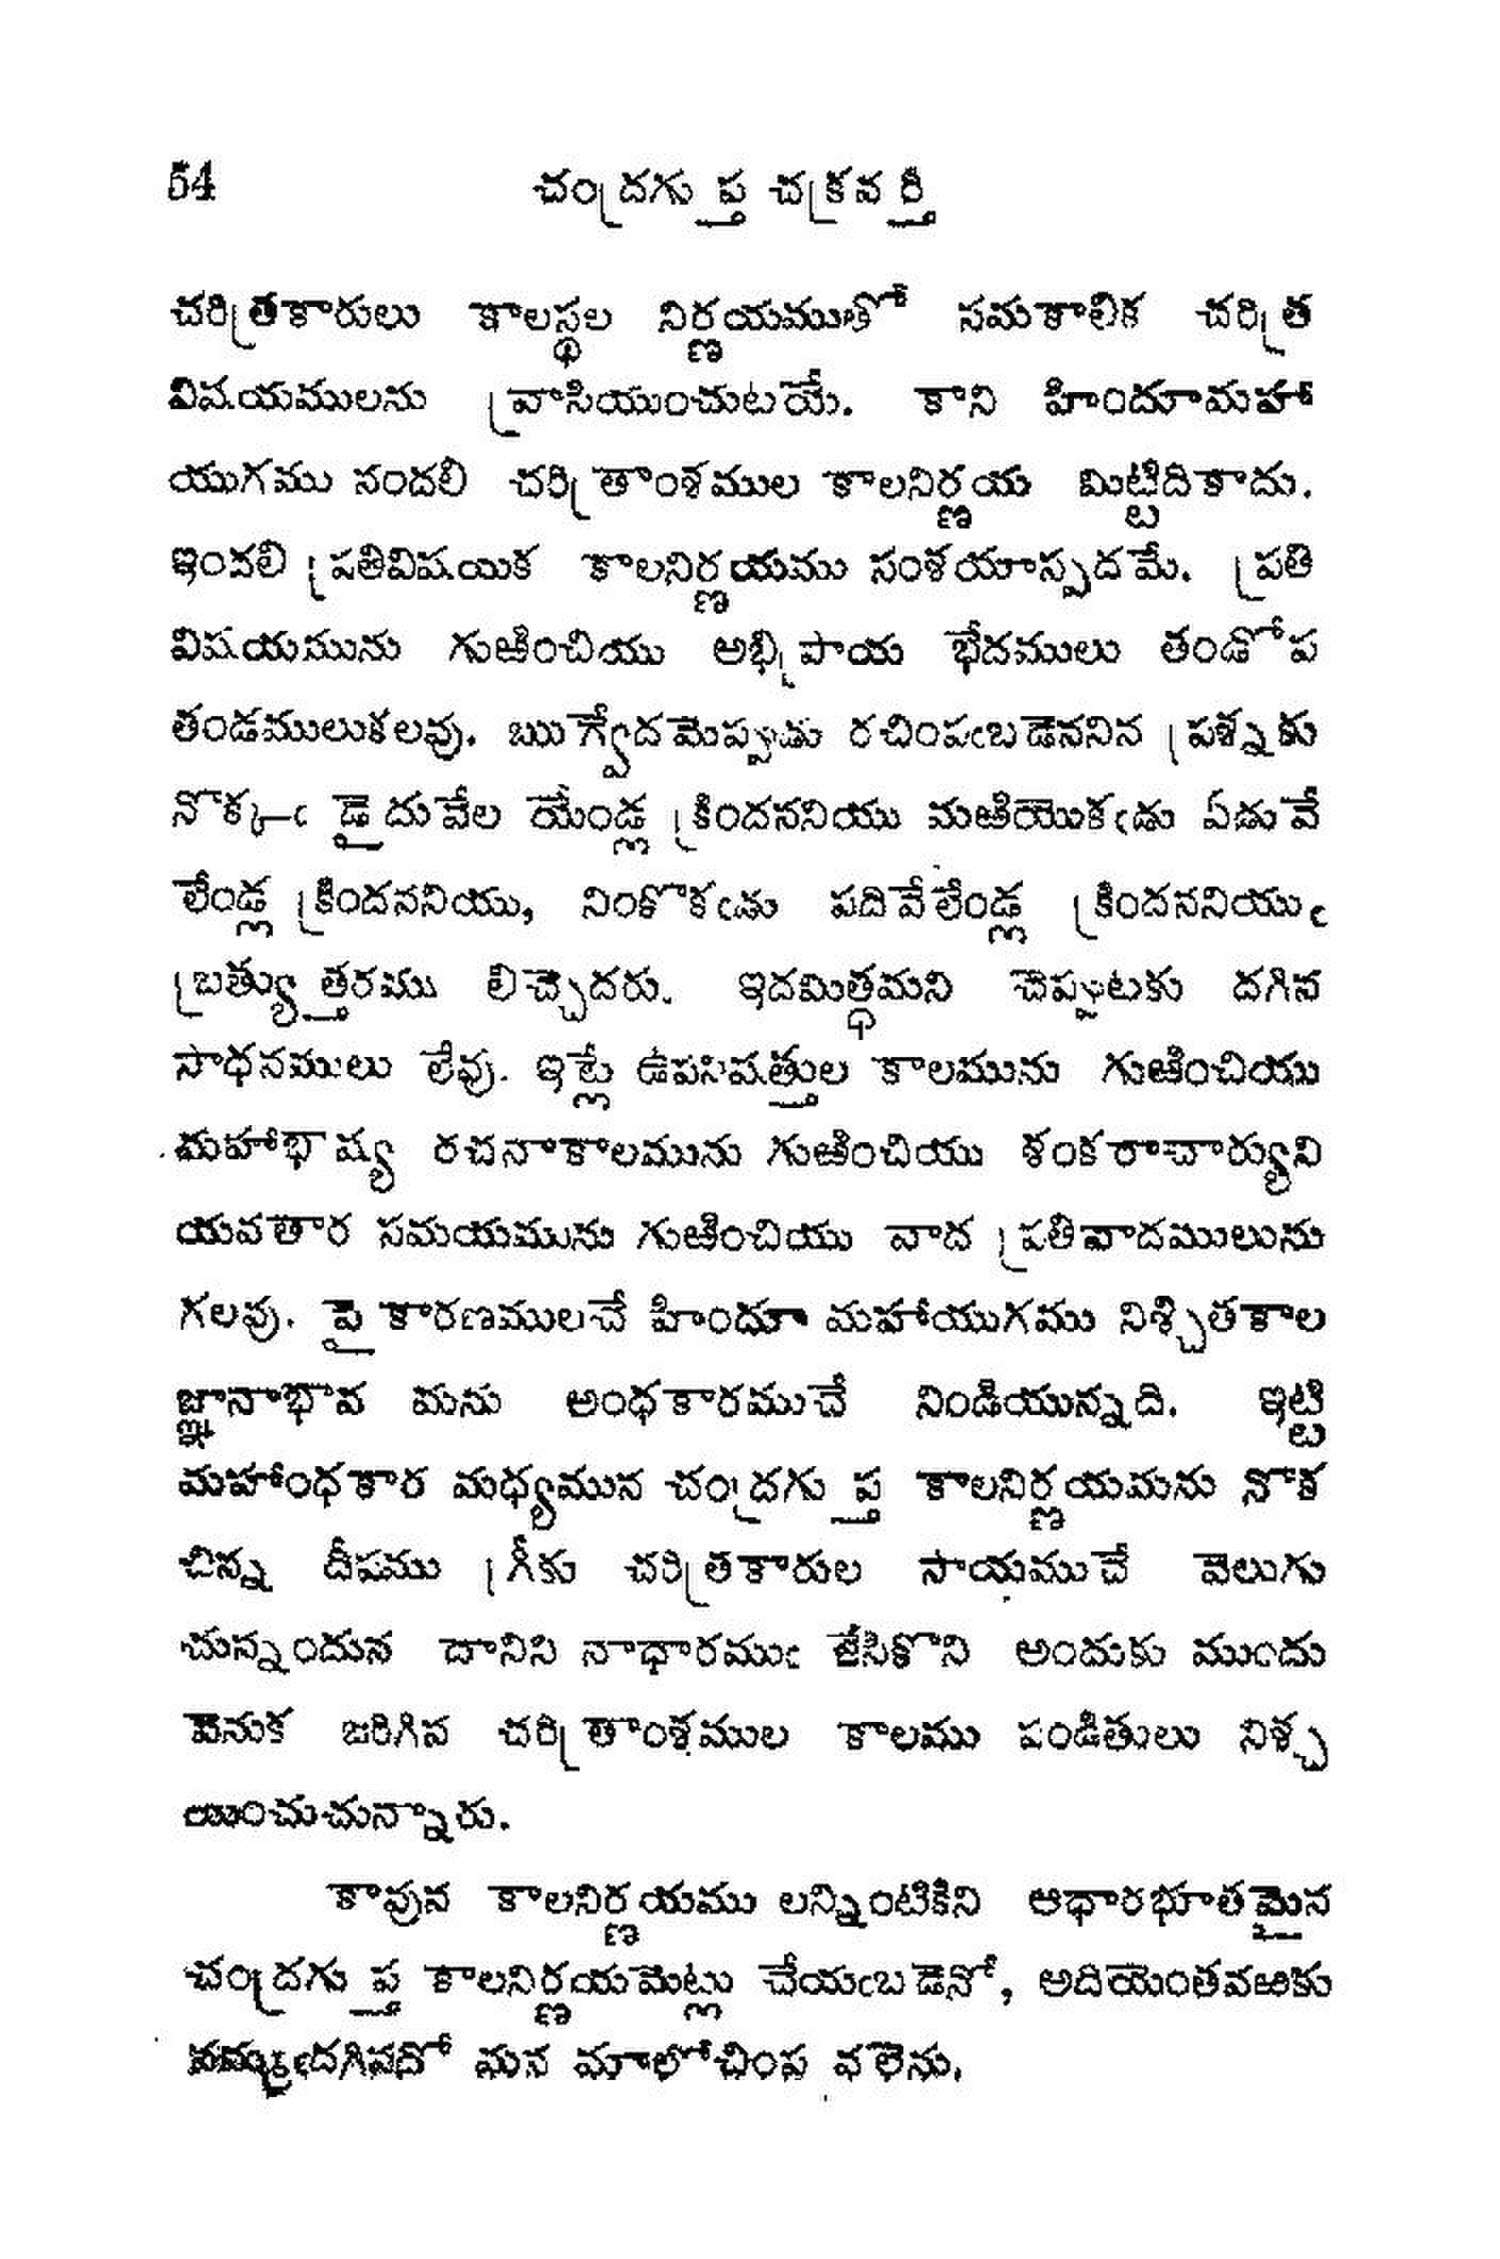చరిత్రకారులు కాలస్థల నిర్ణయముతో సమకాలిక చరిత్ర విషయములను వ్రాసియుంచుటయే. కాని హిందూమహా యుగము నందలి చరిత్రాంశముల కాలనిర్ణయ మిట్టిది కాదు. ఇందలి ప్రతివిషయిక కాలనిర్ణయము సంశయాస్పదమే. ప్రతి విషయమును గుఱించియు అభిప్రాయ భేదములు తండోప తండములుకలవు. ఋగ్వేద మెప్పుడు రచింపఁబడెననిన ప్రశ్నకు నొక్కఁ డైదువేల యేండ్ల క్రిందననియు మఱియొకఁడు ఏడువేలేండ్ల క్రిందననియు, నింకొకఁడు పదివేలేండ్ల క్రిందననియుఁ బ్రత్యుత్తరము లిచ్చెదరు. ఇదమిత్థమని చెప్పుటకు దగిన సాధనములు లేవు. ఇట్లే ఉపసిషత్తుల కాలమును గుఱించియు మహాభాష్య రచనాకాలమును గుఱించియు శంకరాచార్యుని యవతార సమయమును గుఱించియు వాద ప్రతివాదములును గలవు. పై కారణములచే హిందూ మహాయుగము నిశ్చితకాల జ్ఞానాభావ మను అంధకారముచే నిండియున్నది. ఇట్టి మహాంధకార మధ్యమున చంద్రగుప్త కాలనిర్ణయమను నొక చిన్న దీపము గ్రీకు చరిత్రకారుల సాయముచే వెలుగు చున్నందున దానిని నాధారముఁ జేసికొని అందుకు ముందు వెనుక జరిగిన చరిత్రాంశముల కాలము పండితులు నిశ్చయించుచున్నారు.

కావున కాలనిర్ణయము లన్నింటికిని ఆధారభూతమైన చంద్రగుప్త కాలనిర్ణయమెట్లు చేయఁబడెనో, అది యెంతవఱకు నమ్మఁదగినదో మన మాలోచింప వలెను,